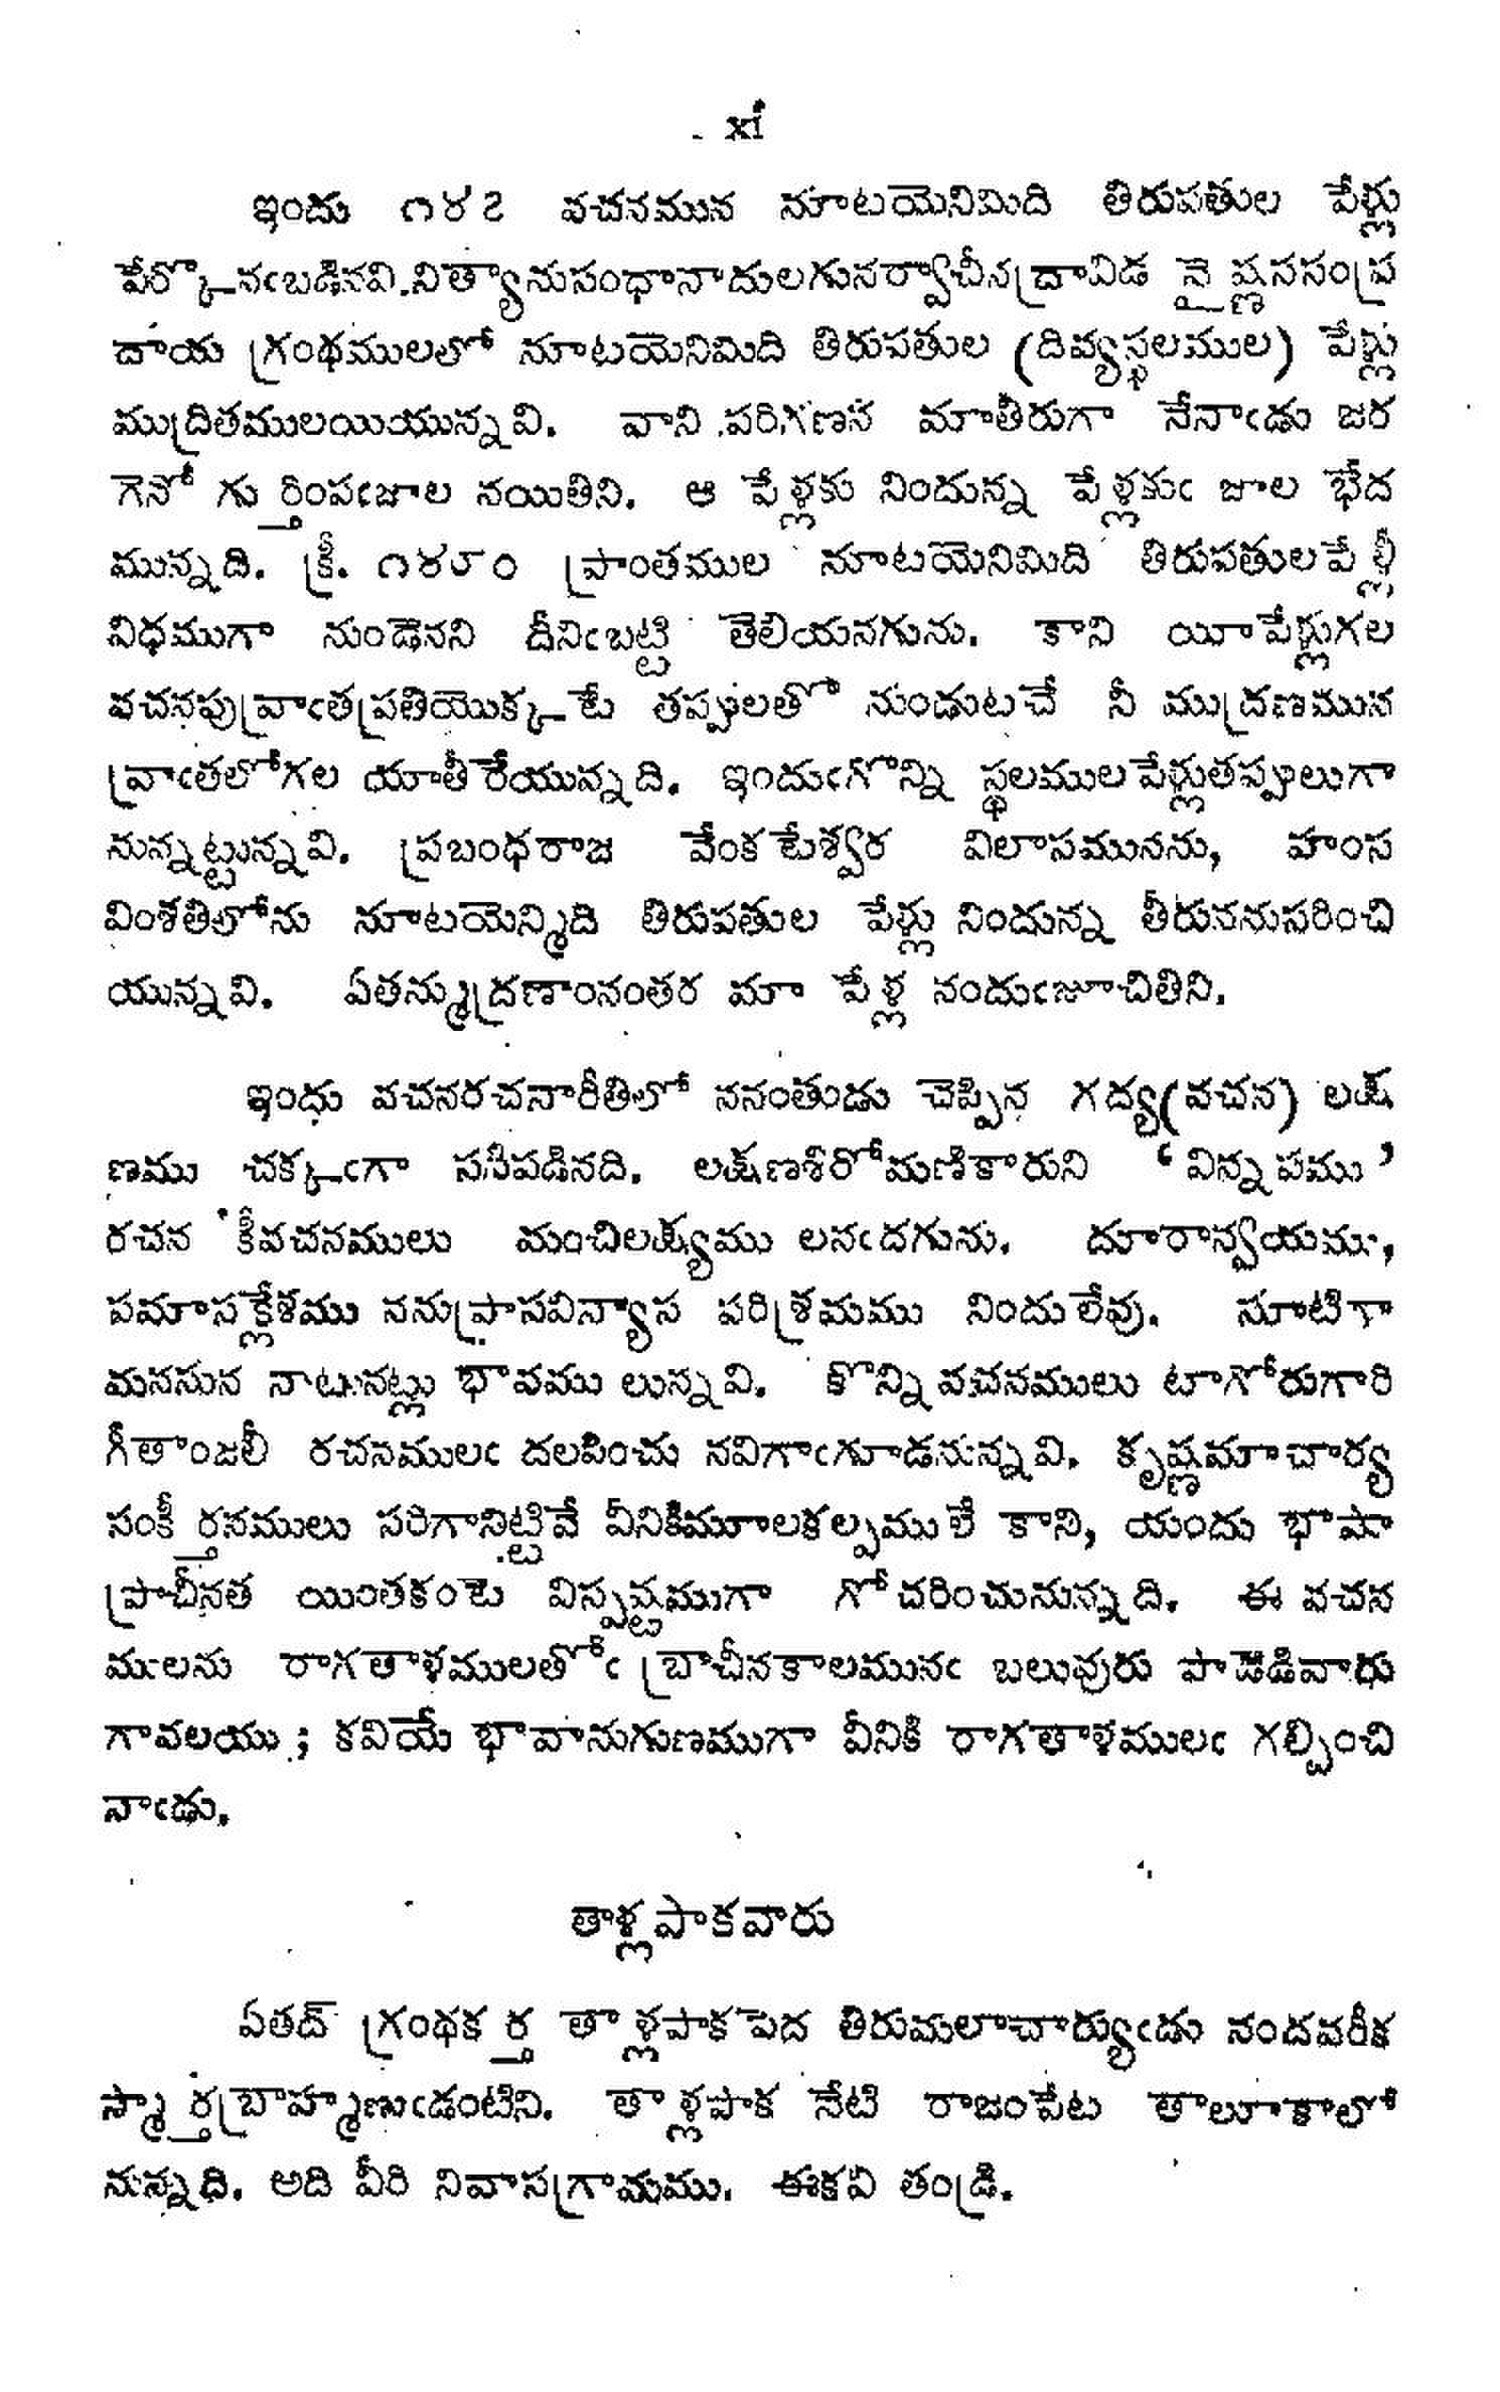ఇందు ౧౪౭ వచనమున నూటయెనిమిది తిరుపతుల పేళ్లు పేర్కొనఁబడినవి నిత్యానుసంధానాదులగునర్వాచీనద్రావిడ వైష్ణససంప్రదాయ గ్రంథములలో నూటయెనిమిది తిరుపతుల (దివ్యస్థలముల) పేళ్లు ముద్రితములయియున్నవి. వాని పరిగణన మాతీరుగా నేనాఁడు జరగెనో గుర్తింపఁజాల నయితిని. ఆ పేళ్లకు నిందున్న వేళ్లకుఁ జాల భేదమున్నది. క్రీ. ౧౪౮౦ ప్రాంతముల నూటయెనిమిది తిరుపతులపేళ్లీ విధముగా నుండెనని దీనిఁబట్టి తెలియనగును. కాని యీపేళ్లుగల వచనపువ్రాఁతప్రతియొక్కటే తప్పులతో నుండుటచే నీ ముద్రణమున వ్రాఁతలోగల యాతీరేయున్నది. ఇందుఁగొన్ని స్థలములపేళ్లుతప్పులుగా నున్నట్టున్నవి. ప్రబంధరాజ వేంకటేశ్వర విలాసమునను, హంస వింశతిలోను నూటయెన్మిది తిరుపతుల పేళ్లు నిందున్న తీరుననుసరించి యున్నవి. ఏతన్ముద్రణాంనంతర మా పేళ్ల నందుఁజూచితిని,

ఇందు వచనరచనారీతిలో ననంతుడు చెప్పిన గద్య(వచన) లక్షణము చక్కఁగా సనిపడినది. లక్షణశిరోమణికారుని ‘విన్నపము’ రచన కీవచనములు మంచిలక్ష్యము లనఁదగును. దూరాన్వయము, పమాసక్లేశము ననుప్రాసవిన్యాస పరిశ్రమము నిందులేవు. సూటిగా మనసున నాటునట్లు భావము లున్నవి. కొన్ని వచనములు టాగోరుగారి గీతాంజలీ రచనములఁ దలపించు నవిగాఁగూడనున్నవి. కృష్ణమాచార్య సంకీర్తనములు సరిగానిట్టివే వీనికిమూలకల్పములే కాని, యందు భాషా ప్రాచీనత యింతకంటె విస్పష్టముగా గోచరించునున్నది. ఈ వచనములను రాగతాళములతోఁ బ్రాచీనకాలమునఁ బలువురు పాడెడివారు గావలయు ; కవియే భావానుగుణముగా వీనికి రాగతాళములఁ గల్పించి నాఁడు.

ఏతద్ గ్రంథకర్త తాళ్లపాకపెద తిరుమలాచార్యుఁడు నందవరీక స్మార్తబ్రాహ్మణుఁడంటిని, తాళ్లపాక నేటి రాజంపేట తాలూకాలో నున్నది. అది వీరి నివాసగ్రామము. ఈకవి తండ్రి.